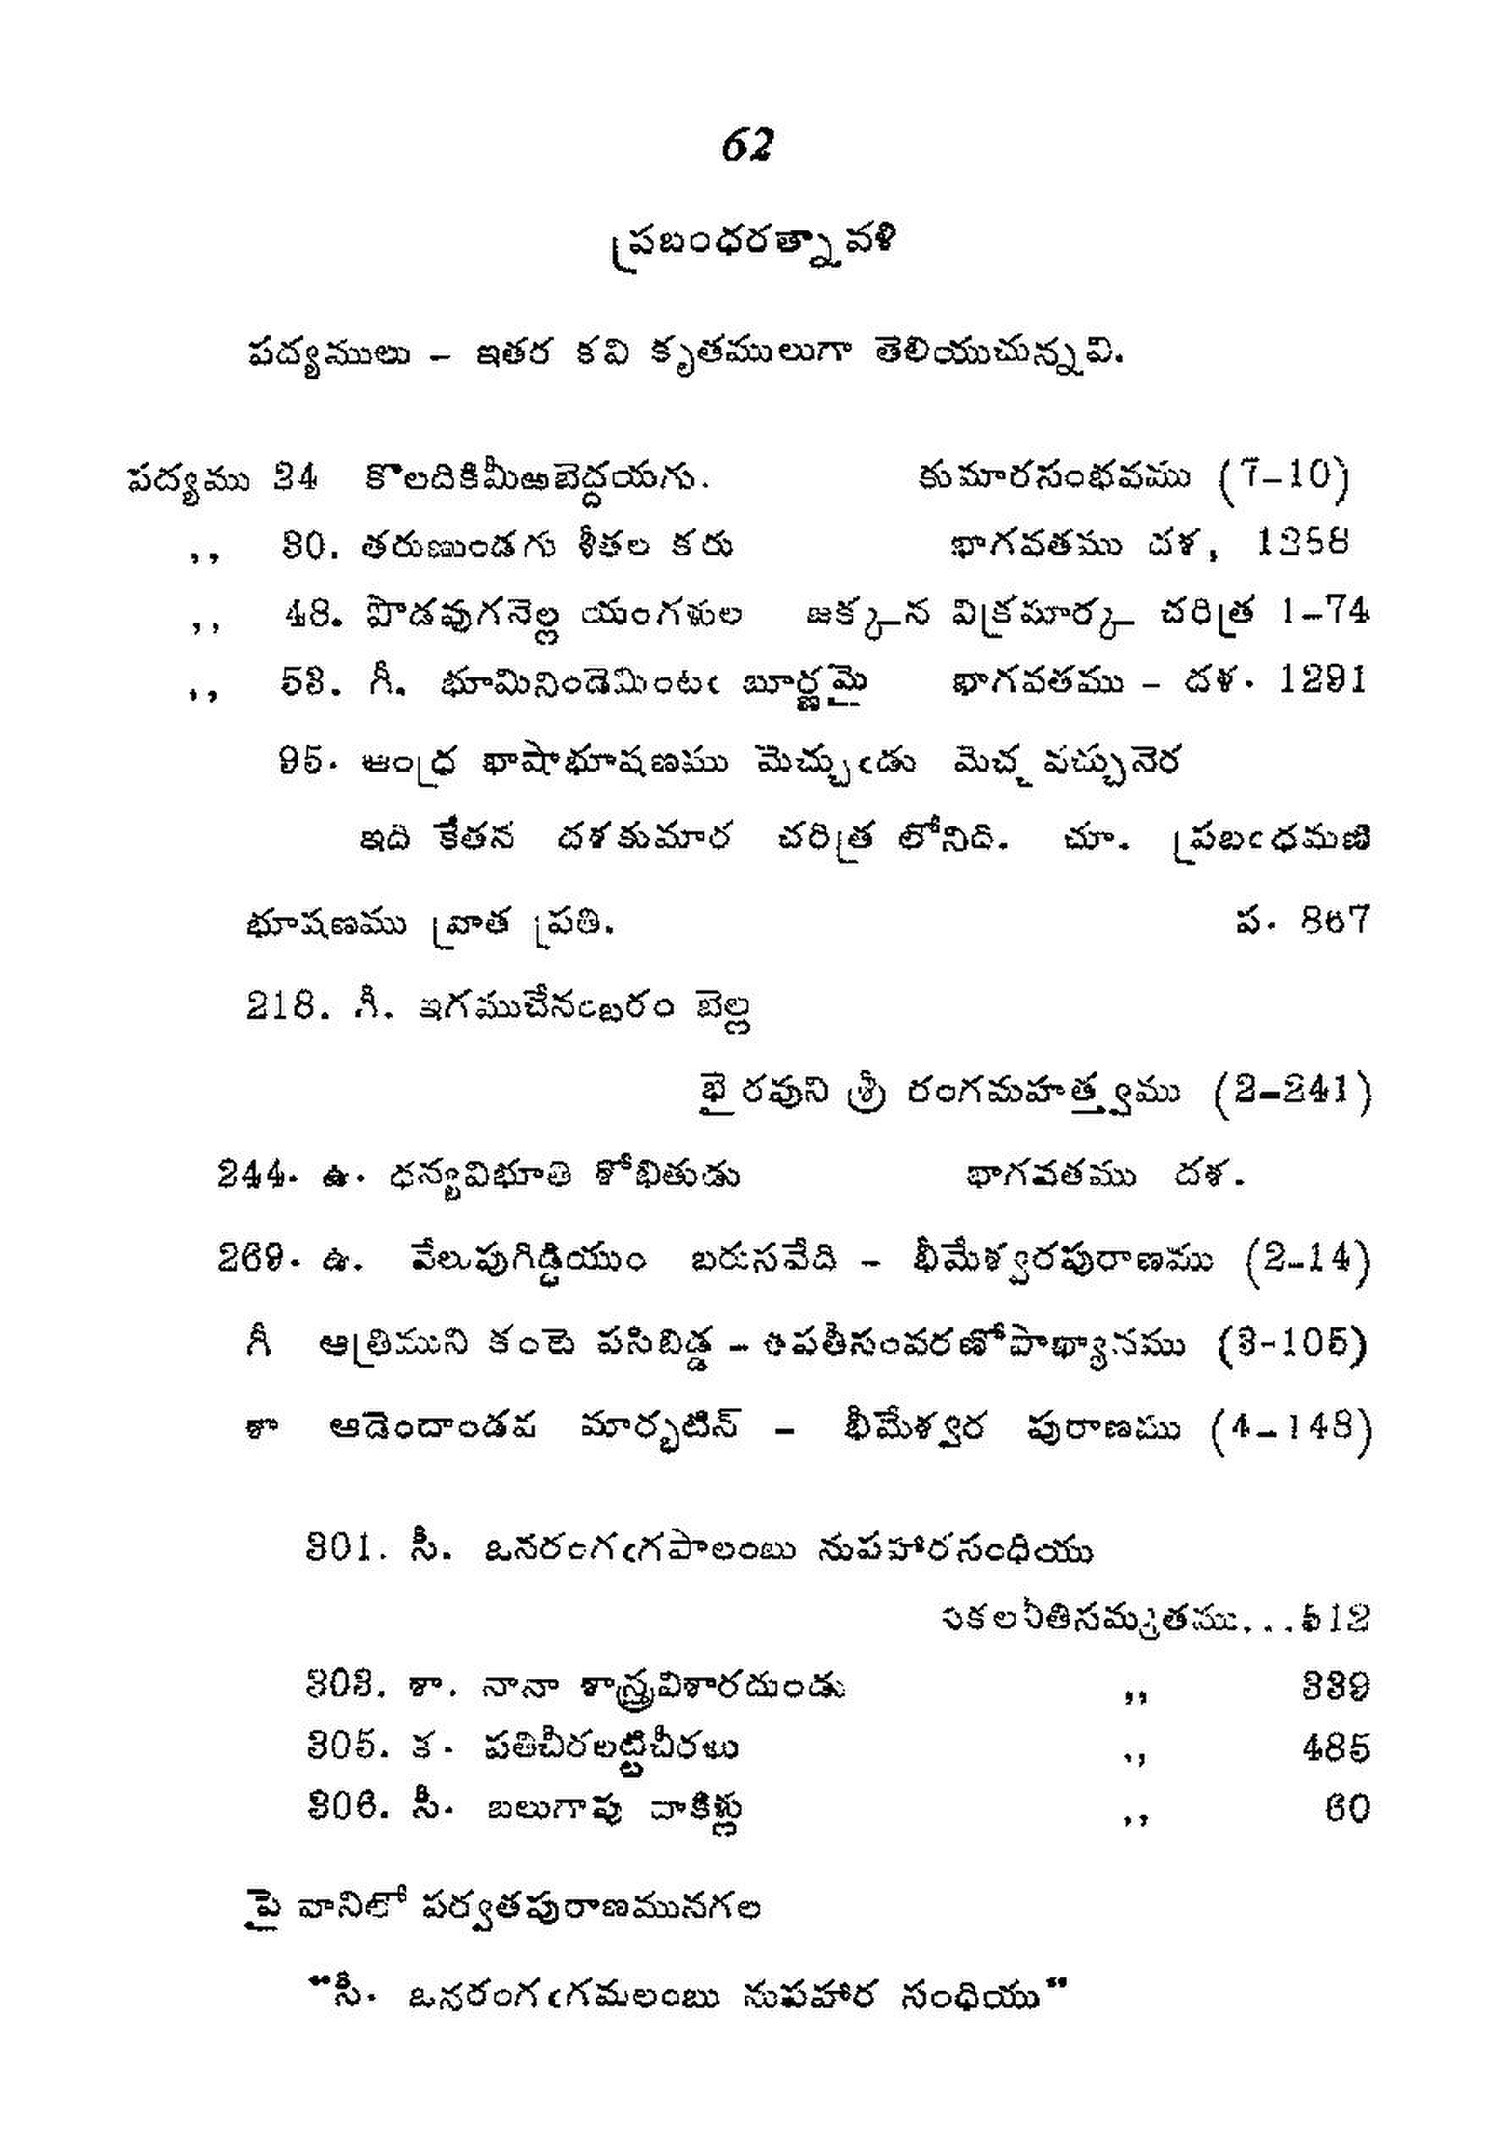-

పద్యము 34 కొలదికి మీఱ బెద్దయగు............. కుమారసంభవము (1-10)
 " 30. తరుణుండగు శీతల కరు
 " భాగవతము దశ, 1358
 " 48. పొడవుగనెల్ల యంగళుల జక్కన విక్రమార్క చరిత్ర 1-74
 " 58. గీ, భూమినిండెమింటఁ బూర్ణమై భాగవతము దళ. 1291
 " 95. ఆంధ్ర భాషాభూషణము మెచ్చుఁడు మెచ్చ వచ్చునెర
ఇది కేతన దశకుమార చరిత్ర లోనిది. ప్రబంధమణి
భూషణము వ్రాత ప్రతి. ................ ప. 867
218. A. ఇగముచే నంబరం బెల్ల
 ...........................................భైరవుని శ్రీ రంగమహత్త్వము (2-241)
244. ఉ • ధన్యవిభూతి శోభితుడు...........................భాగవతము దశ.
269. ఉ. వేలుపుగిడ్డియుం బరుసవేది - భీమేశ్వరపురాణము (2-14)
గీ ఆత్రిముని కంటె పసిబిడ్డ - ఆపతీసంవరణోపాఖ్యానము (3-105)
ఆడెందాండవ మార్భటిన్ ................. భీమేశ్వర పురాణము (4- 148)
301. సీ. ఒనరంగంగపాలంబు నుపహార సంధియు ...సకల నీతి సమ్మతము, . . 12
308. శా. నానా శాస్త్ర విశారదుండు ............................. " 339
305. 4. పలిచీర బట్టి చీరలు ................................... " 485
308. సీ. బలుగాపు చాకిళ్లు ........................ " 60

పై వానిలో పర్వతపురాణమునగల

"సీ. ఒనరంగఁగమలంబు నుపహార సంధియు "